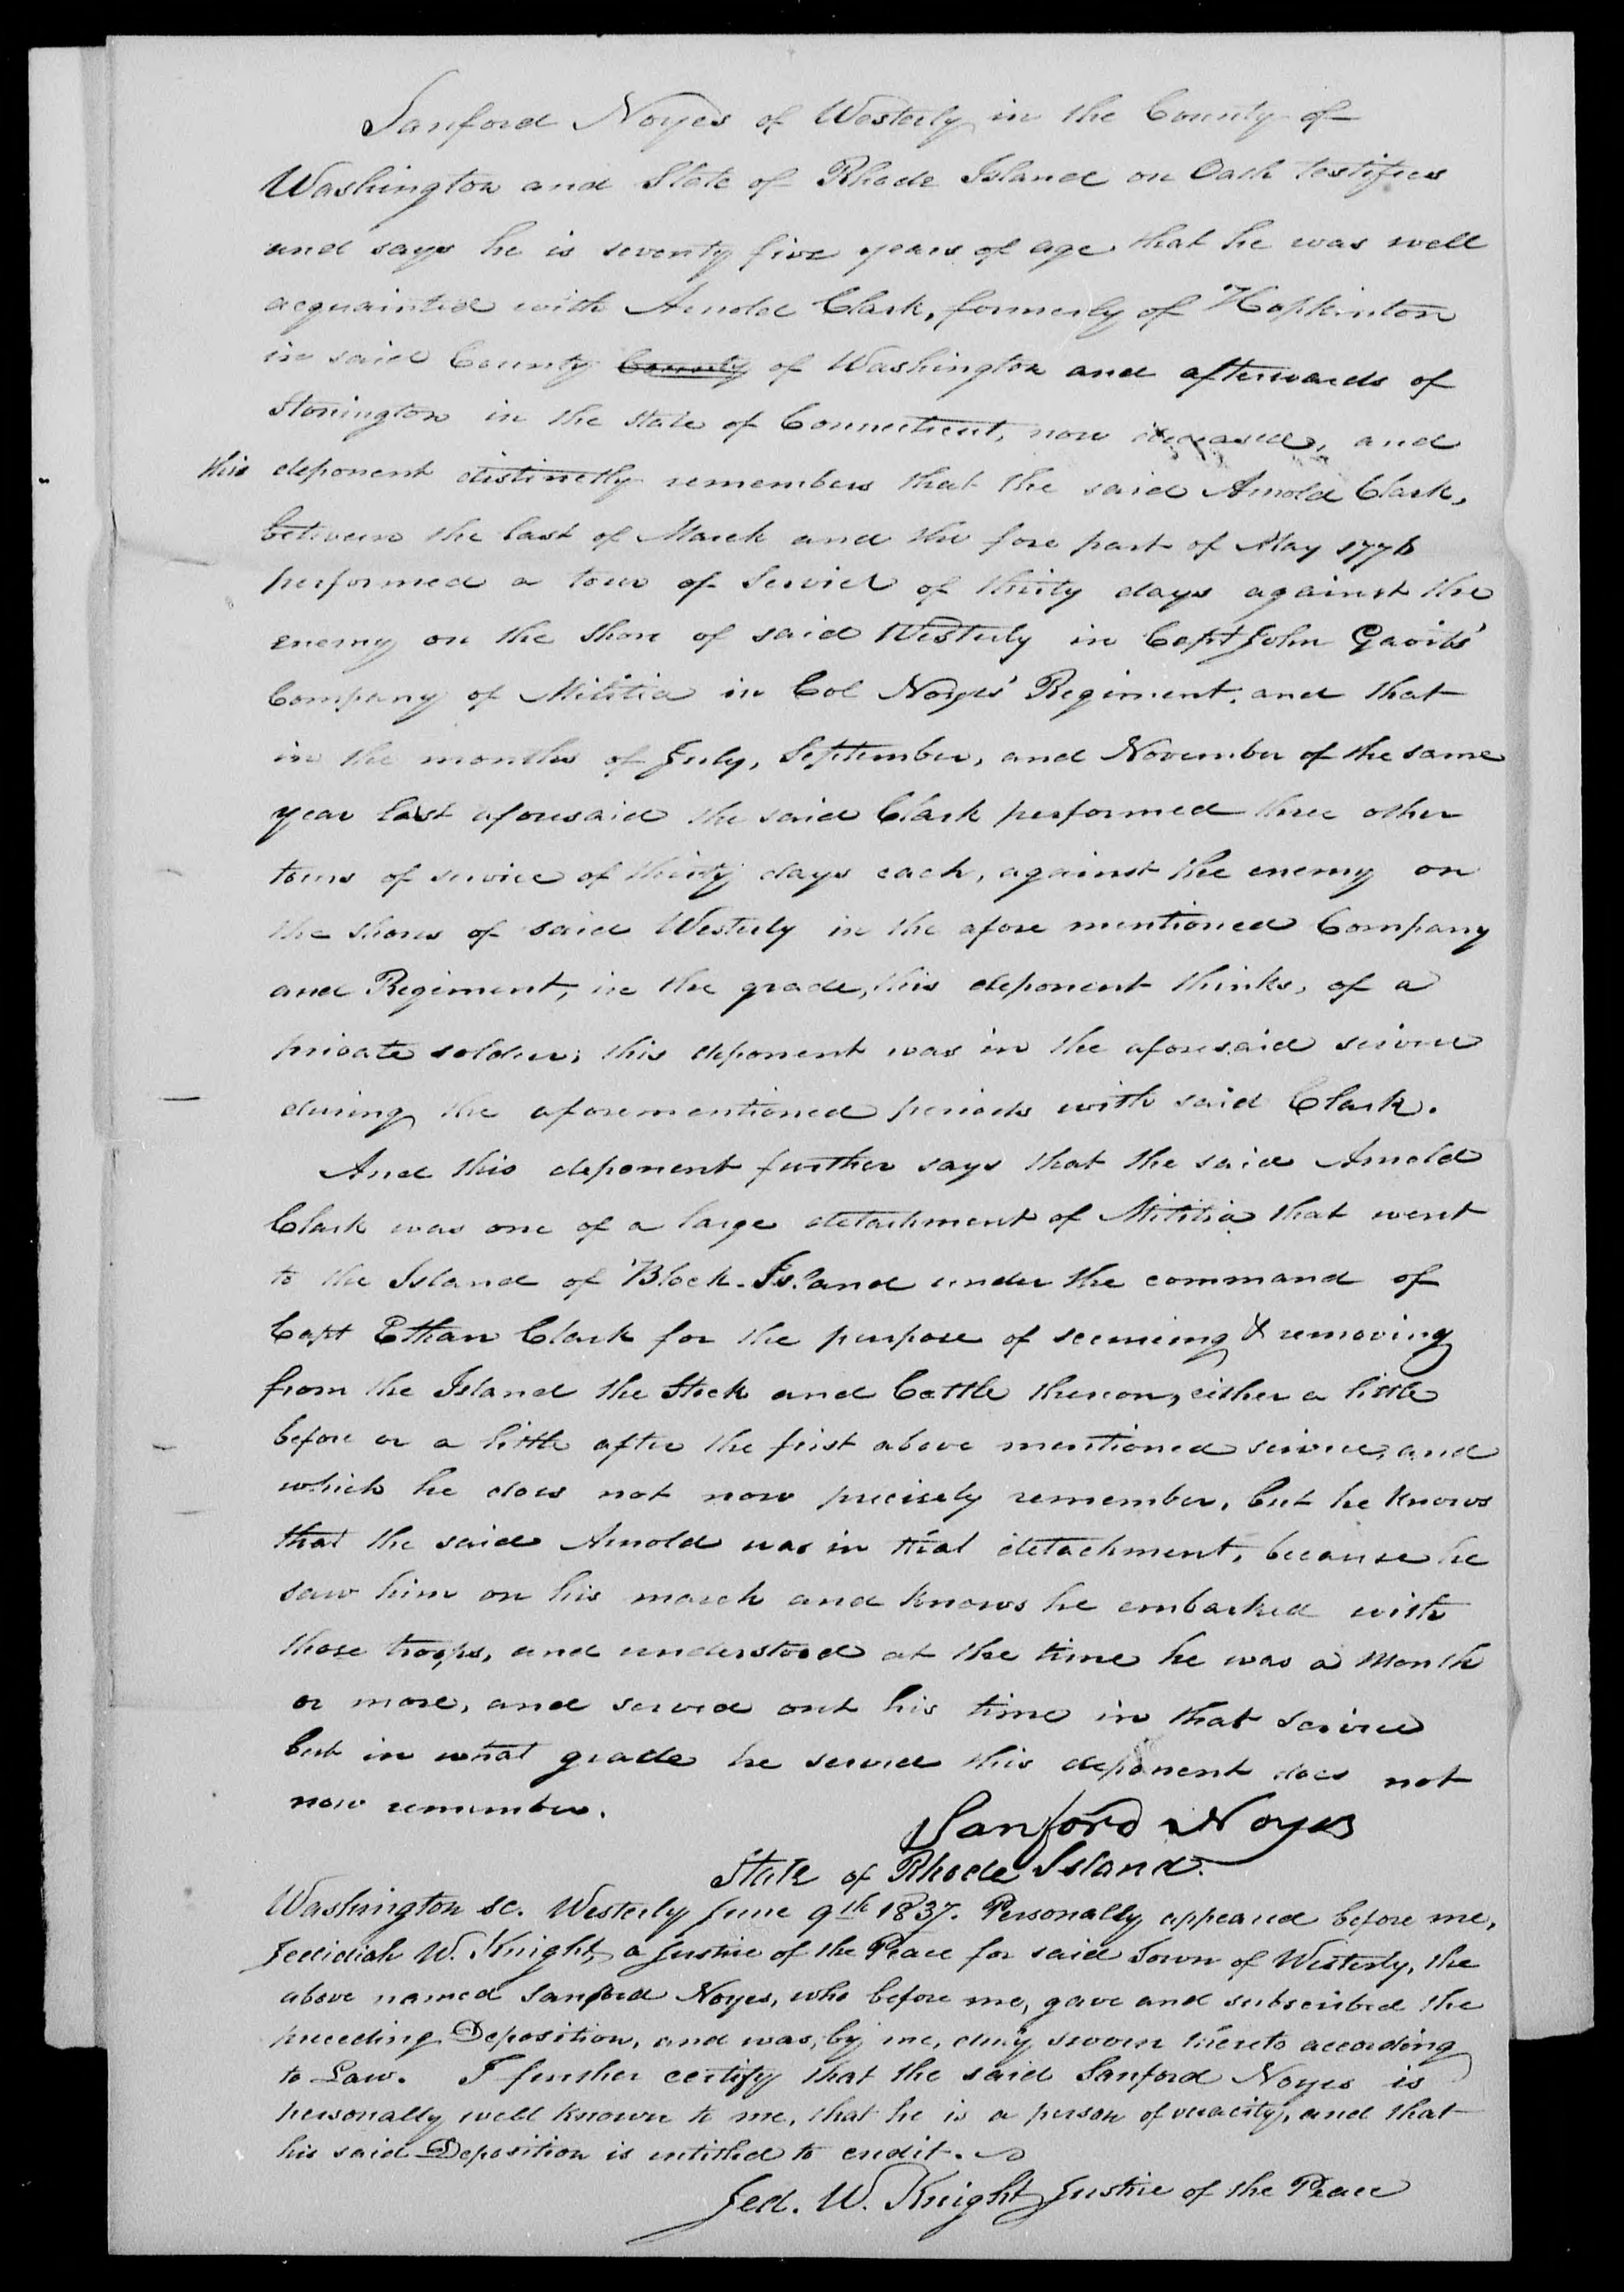Sanford Noyes of Westerly in the County of Washington and State of Rhode Island on oath testifies and says he is seventy five years of age that he was well acquainted with Arnold Clark, formerly of Hopkinton in said County of Washington and afterwards of Stonington in the state of Connecticut, now deceased, and this deponent distinctly remembers that the said Arnold Clark, between the last of March and the fore part of May 1776 performed a tour of service of thirty days against the enemy on the shore of said Westerly in Capt John Gavit's Company of Militia in Col Noyes' Regiment, and that in the months of July, September, and November of the same year last aforesaid the said Clark performed three other terms of service of thirty days each, against the enemy on the shores of said Westerly in the afore mentioned company and Regiment, in the grade, this deponent thinks, of a private soldier; this deponent was in the aforesaid service during the aforementioned periods with said Clark. And this deponent further says that the said Arnold Clark was one of a large detachment of Militia that went to the Island of Block Island under the command of Capt Ethan Clark for the purpose of securing & removing from the Island the stock and cattle thereon, either a little before or a little after the first above mentioned service, and which he does not now precisely remember, but he knows that the said Arnold was in that detachment, because he saw him on his march and knows he embarked with those troops, and understood at the time he was a month or more, and served out his time in that service but in what grade he served this deponent does not now remember.
Sanford Noyes

State of Rhode Island Washington sc. Westerly June 9th 1837. Personally appeared before me, Jedediah W. Knight,  a Justice of the Peace for said town of Westerly, the above named Sanford Noyes, who before me, gave and subscribed the preceding deposition, and was, by me, duly sworn thereto according to law. I further certify that the said Sanford Noyes is personally well known to me, that he is a person of veracity, and that his said deposition is entitled to credit.
Jed. W. Knight, Justice of the Peace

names: Ethan Clark, Clark, Arnold Clark, Arnold Clark, Sanford Noyes, Jedediah W Knight, Arnold, Jed W Knight, Clark, Sanford Noyes, Sanford Noyes, Sanford Noyes, Arnold Clark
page: 37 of 48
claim: widow's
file: W. 17,628, Arnold Clarke, R.I.